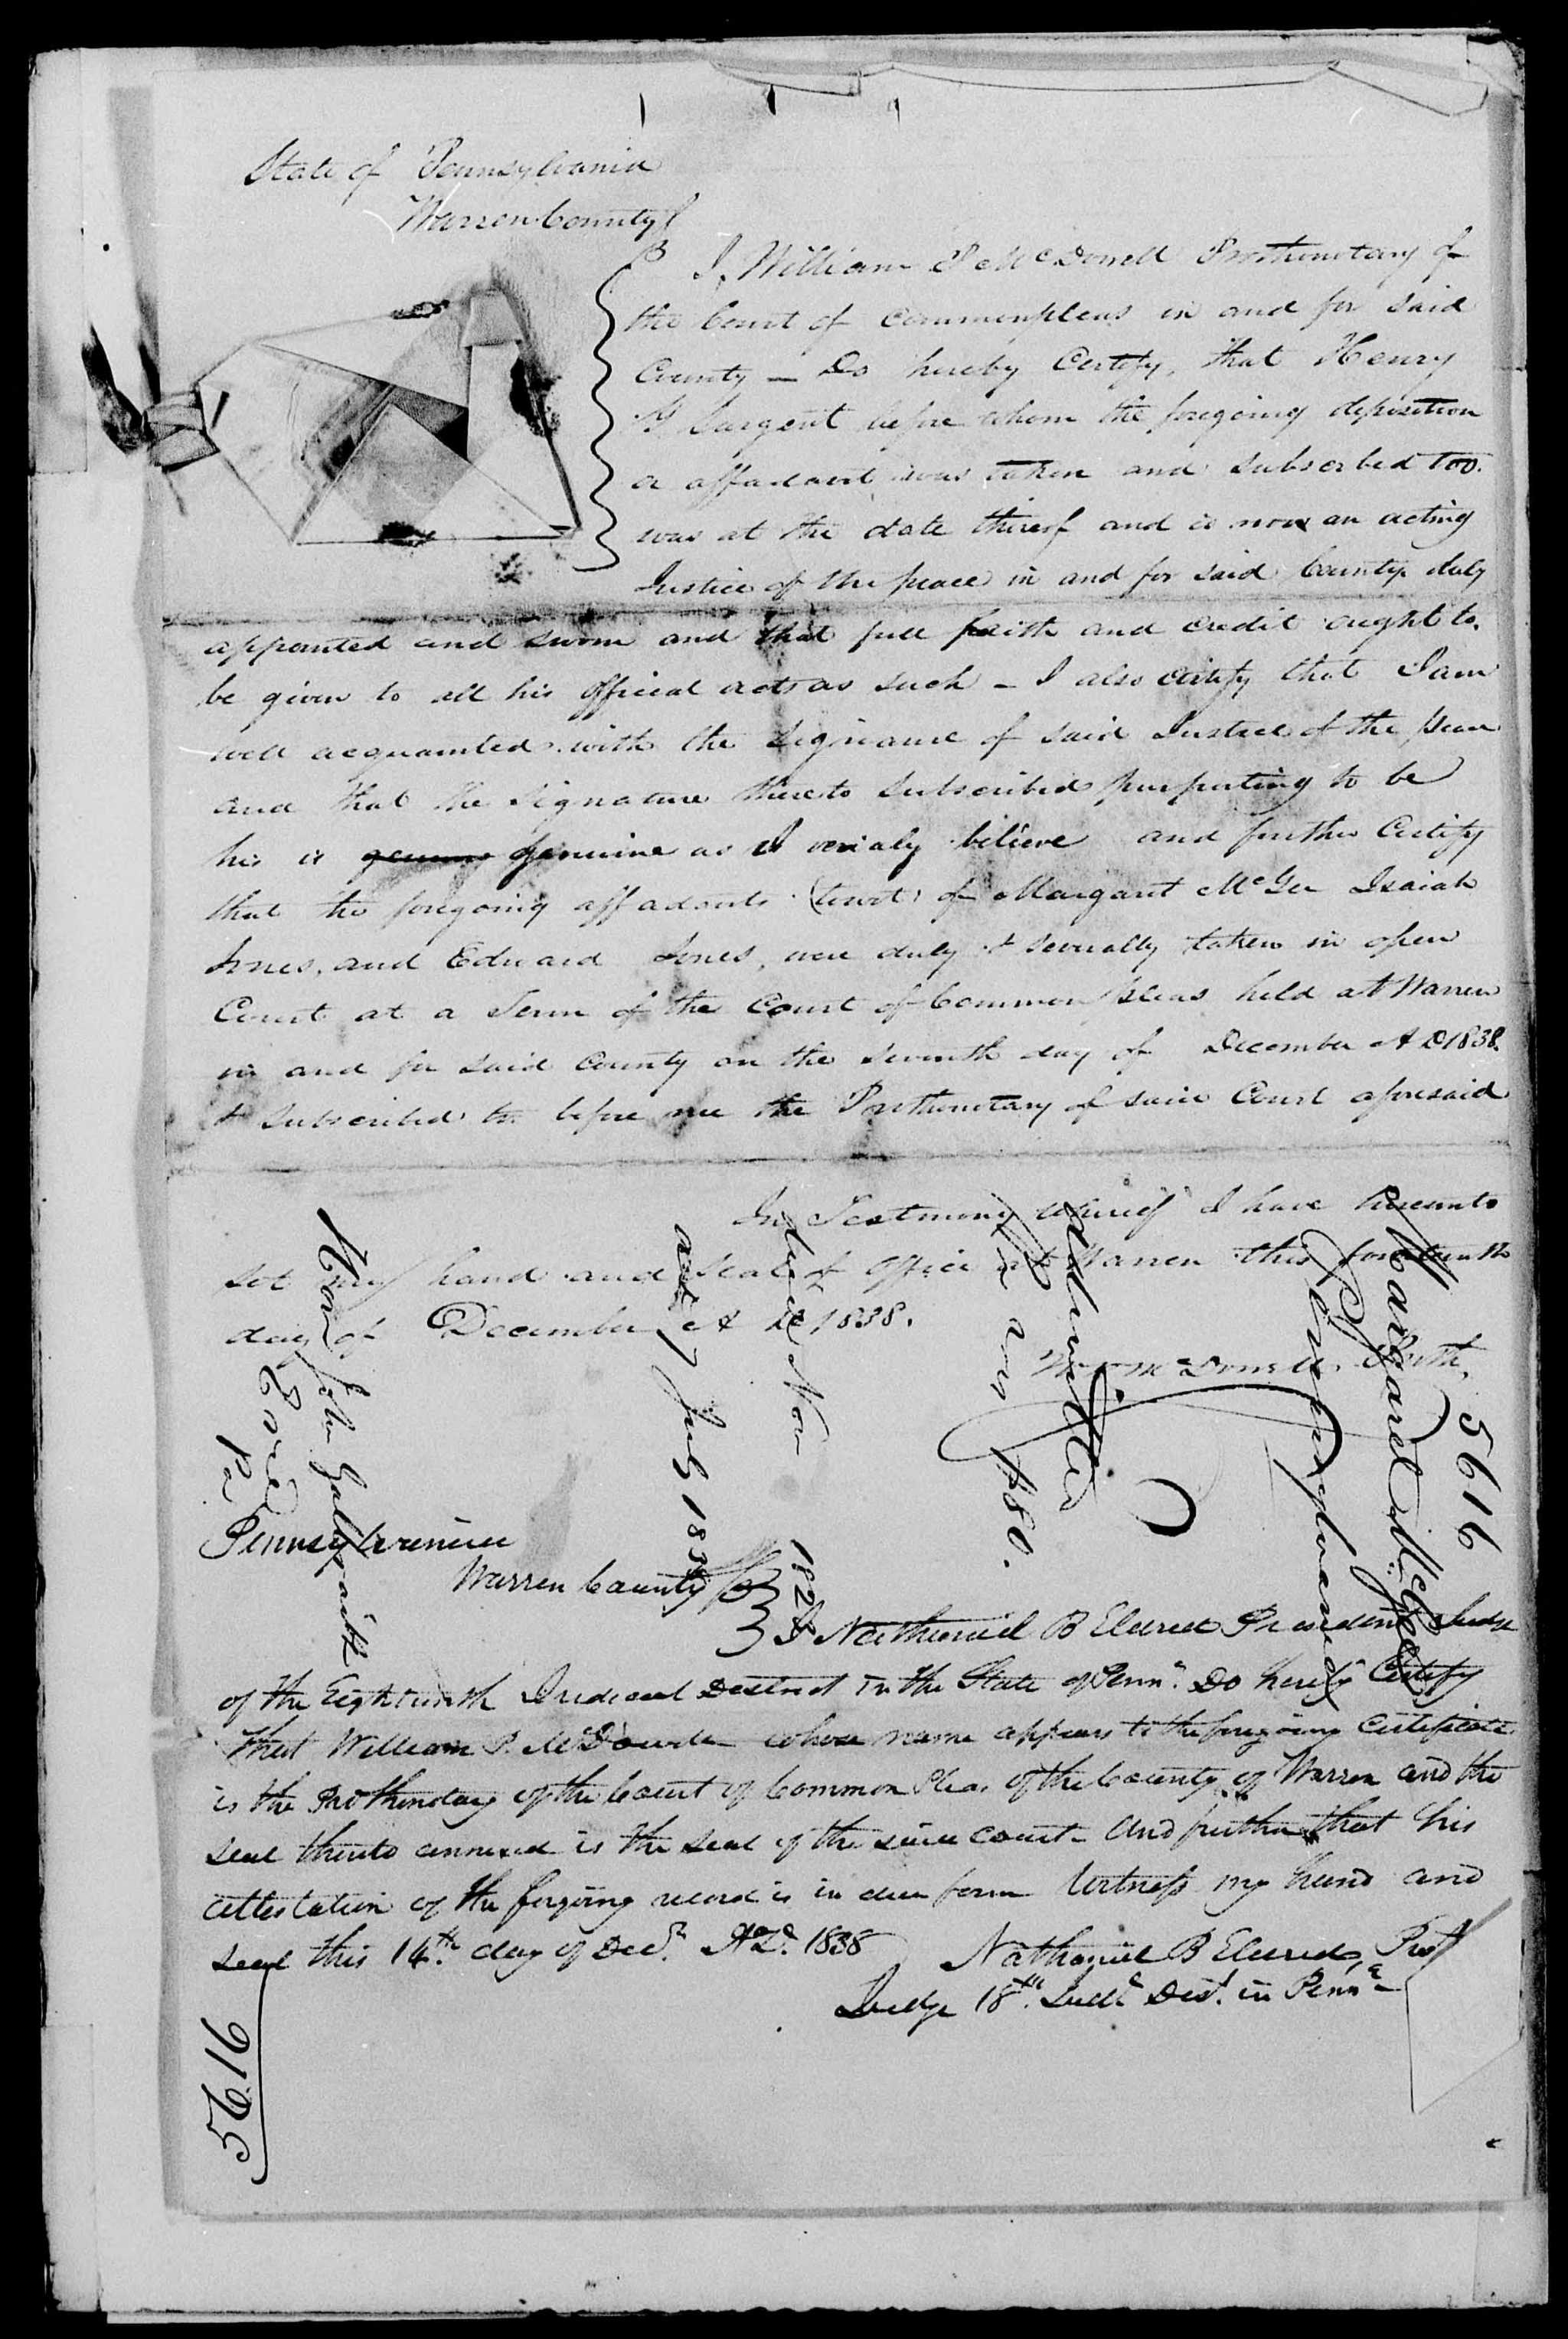State of Pennsylvania 
Warren County ss 
I, William McDowell Prothonotary of the Court of Commonpleas in and for said County do hereby certify, that Henry G Sargent before whom the foregoing deposition or affidavit was taken and subscribed too was at the date thereof and is now an acting Justice of the peace in and for said County duly appointed and sworn and that full faith and credit ought to be given to all his official acts as such - I also certify that I am well acquainted with the signature of said Justice of the Peace and that the signature thereto subscribed purporting to be his is genuine as I verily believe and further certify that the foregoing affidant (towit) of Margaret McGee Isaiah Jones, and Edward Jones, were duly & severally taken in open Court at a Term of the Court of Common Pleas held at Warren in and for said County on the seventh day of December AD 1838 & subscribed to before me the Prothonotary of said Court aforesaid  

In Testimony whereof I have hereunto set my hand and seal of Office at Warren this fourteenth day of December A D 1838.
William McDowell Prothonotary
Pennsylvania 
Warren County } I Nathaniel B Eldred Presiding Judge of the Eighteenth Judicial District of the State of Penna. Do hereby Certify that Wiliam P. McDowell whose name appears to the foregoing certificate in the Prothonotary of the Court of Common Pleas of the County of Warren and the seal thereto annexed is the seal of the said Court. And further that his attestation of the foregoing record is in due form witness my hand and seal this 14th day of Dec. AD. 1838
 Nathaniel B Eldred Pres. Judge 18th Judl. Dist in Penn

(vertical)
5616
Margaret McGee
Pennsylvania
Admitted
Per Ann $80
died Nov 1823
died 7 July 1838
Hon. John Galbraith
Erie
Pa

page: 9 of 77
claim: widow's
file: W 2954, for James Mc Gee, Delaware